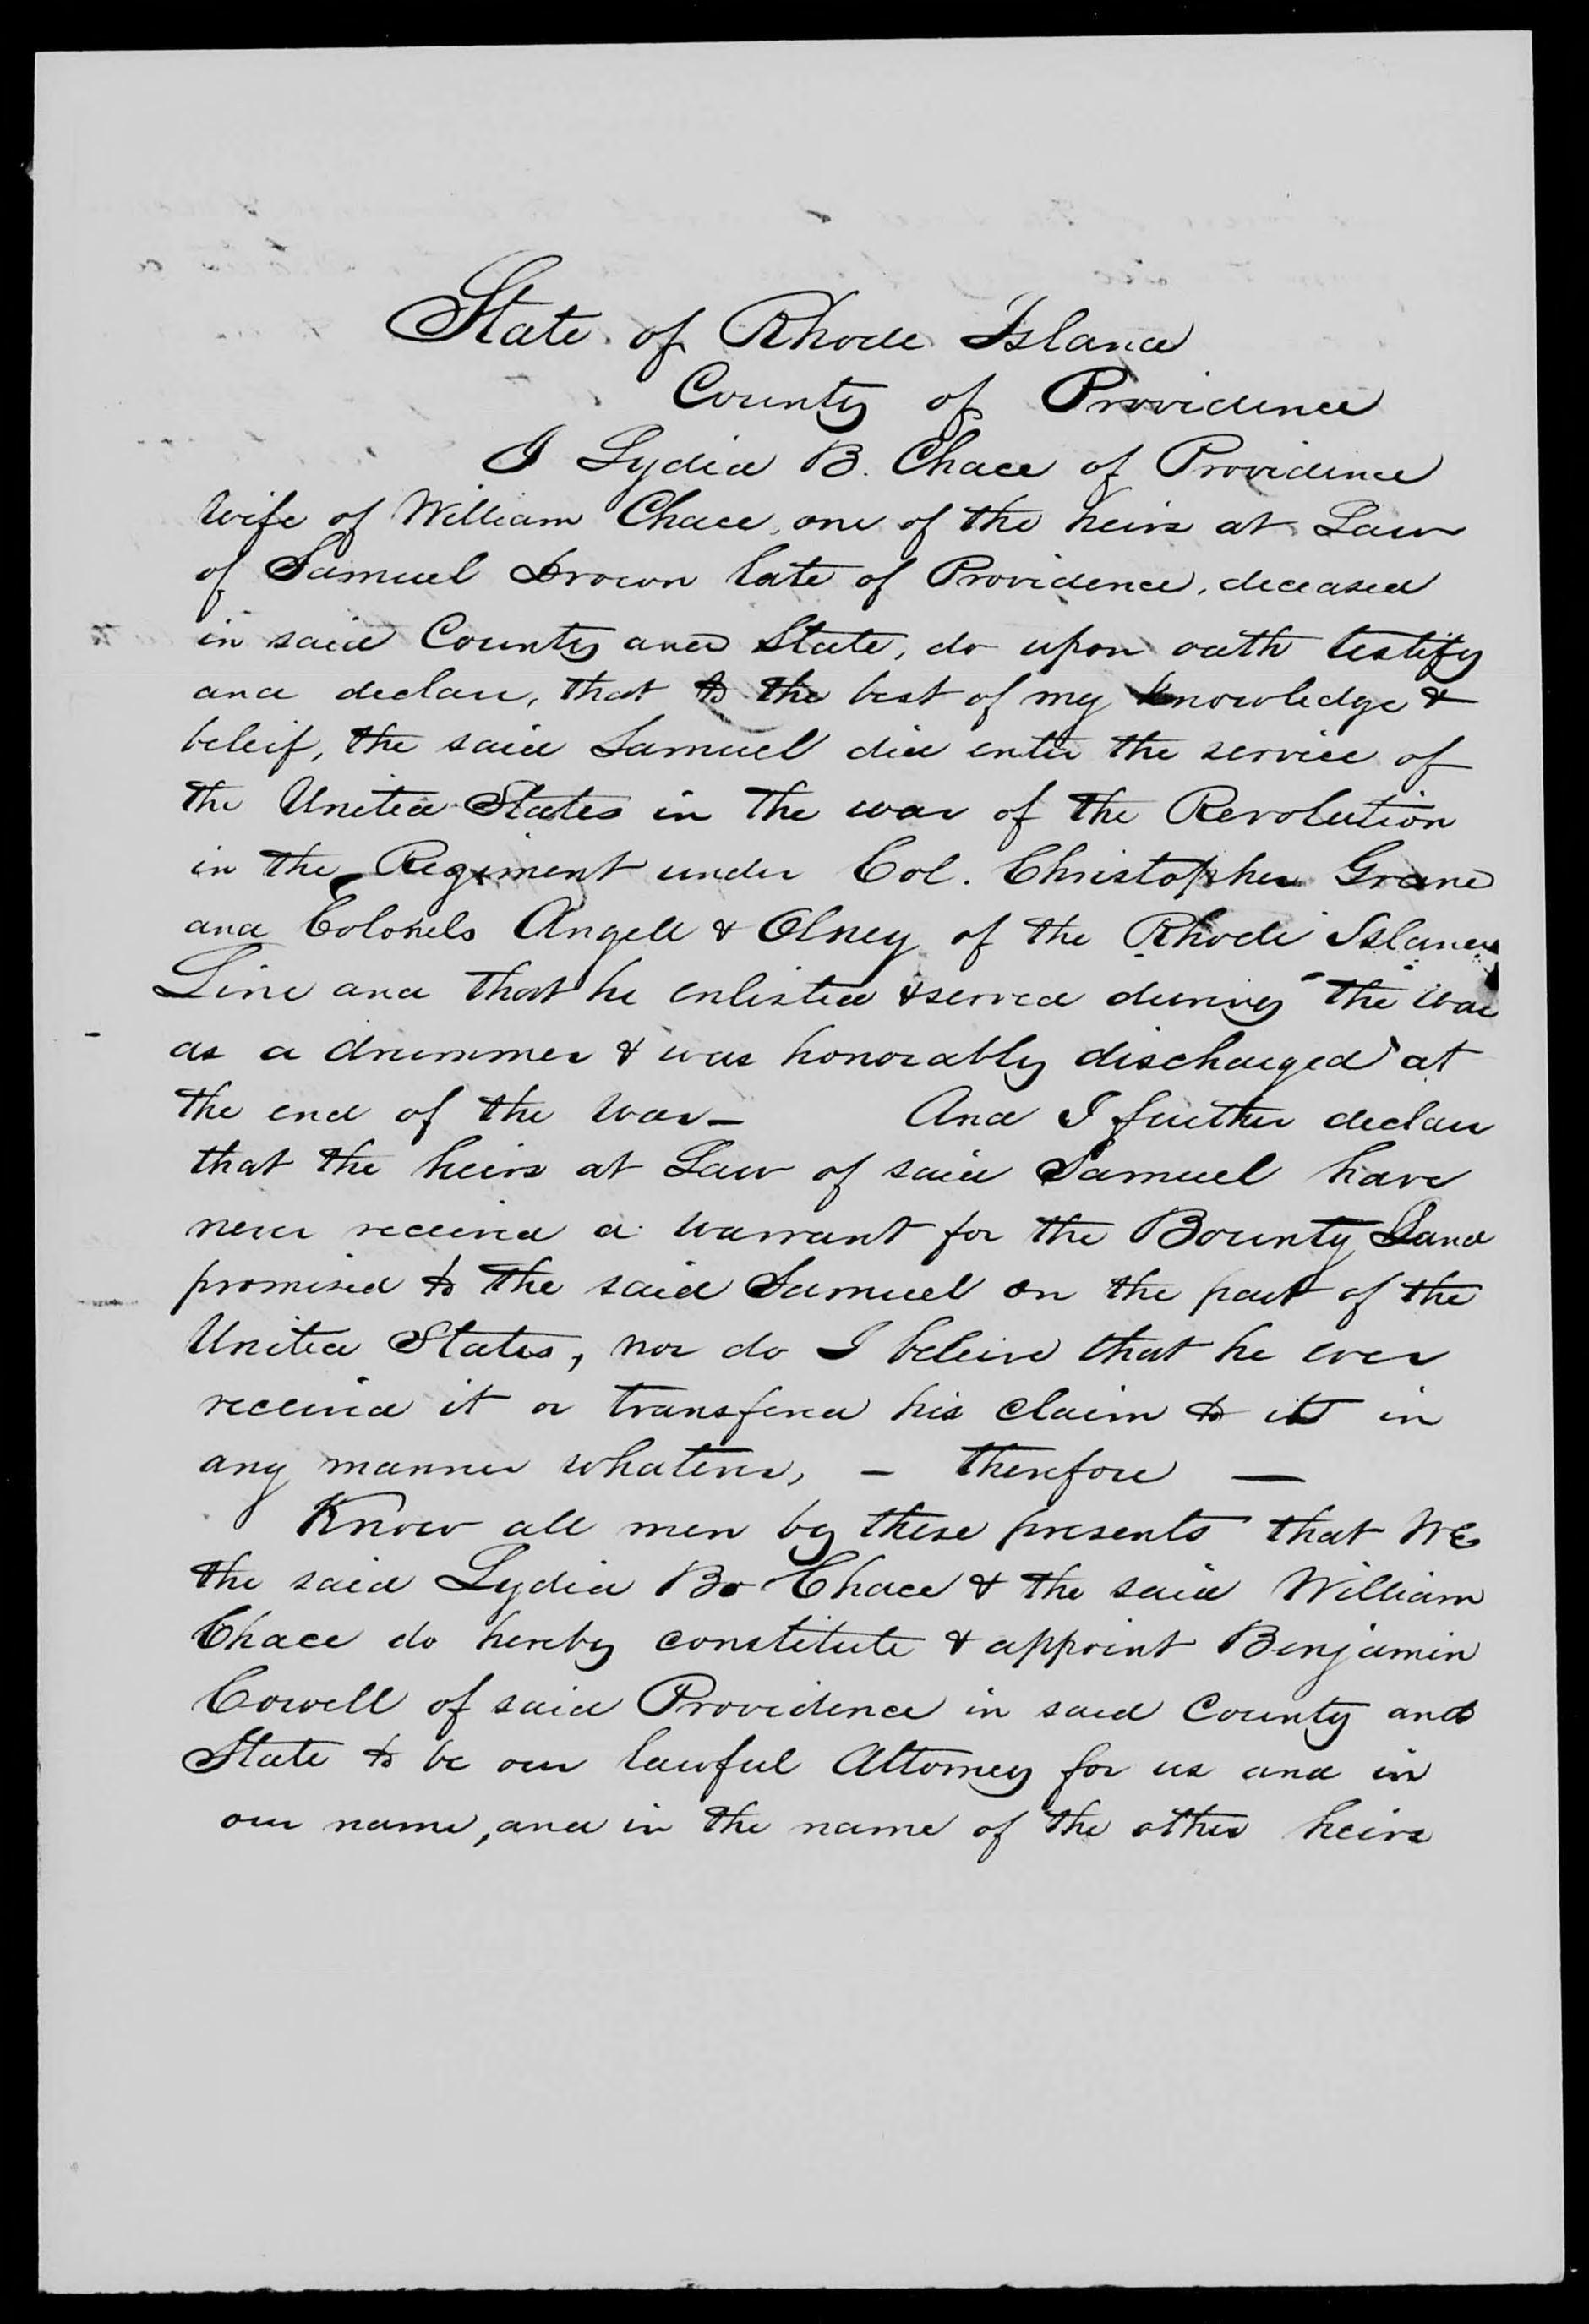State of Rhode Island
County of Providence

I Lydia B. Chace of Providence wife of William Chace, one of the heirs at law of Samuel Drown late of Providence, deceased in said County and State, do upon oath testify and declare, that to the best of my knowledge & belief, the said Samuel did enter the service of the United States in the war of the Revolution in the Regiment under Col. Christopher Greene and Colonels Angell and Olney of the Rhode Island Line and that he enlisted service during The War as a drummer & was honorably discharged at the end of the war.  And I further declare that the heirs at law of said Samuel have never received a warrant for the Bounty Land promised to the said Samuel on the pact of the United States, nor do I believe that he ever received it or transferred his claim to it in any manner whatever, therefore Know all men by these presents that we the said Lydia B. Chase and the said William Chase do hereby constitute & appoint Benjamin Corvell of said Providence in said County and State to be our lawful Attorney for us and in our name, and in the name of other heirs.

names: Samuel, Samuel, William Chace, Christopher Grane, Lydia B Chace, William Chace, Samuel Drown, Benjamin Cowell, Lydia B Chace, Angell, Olney, Samuel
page: 3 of 31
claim: widow's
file: W 21004, Samuel Drown, R.I.